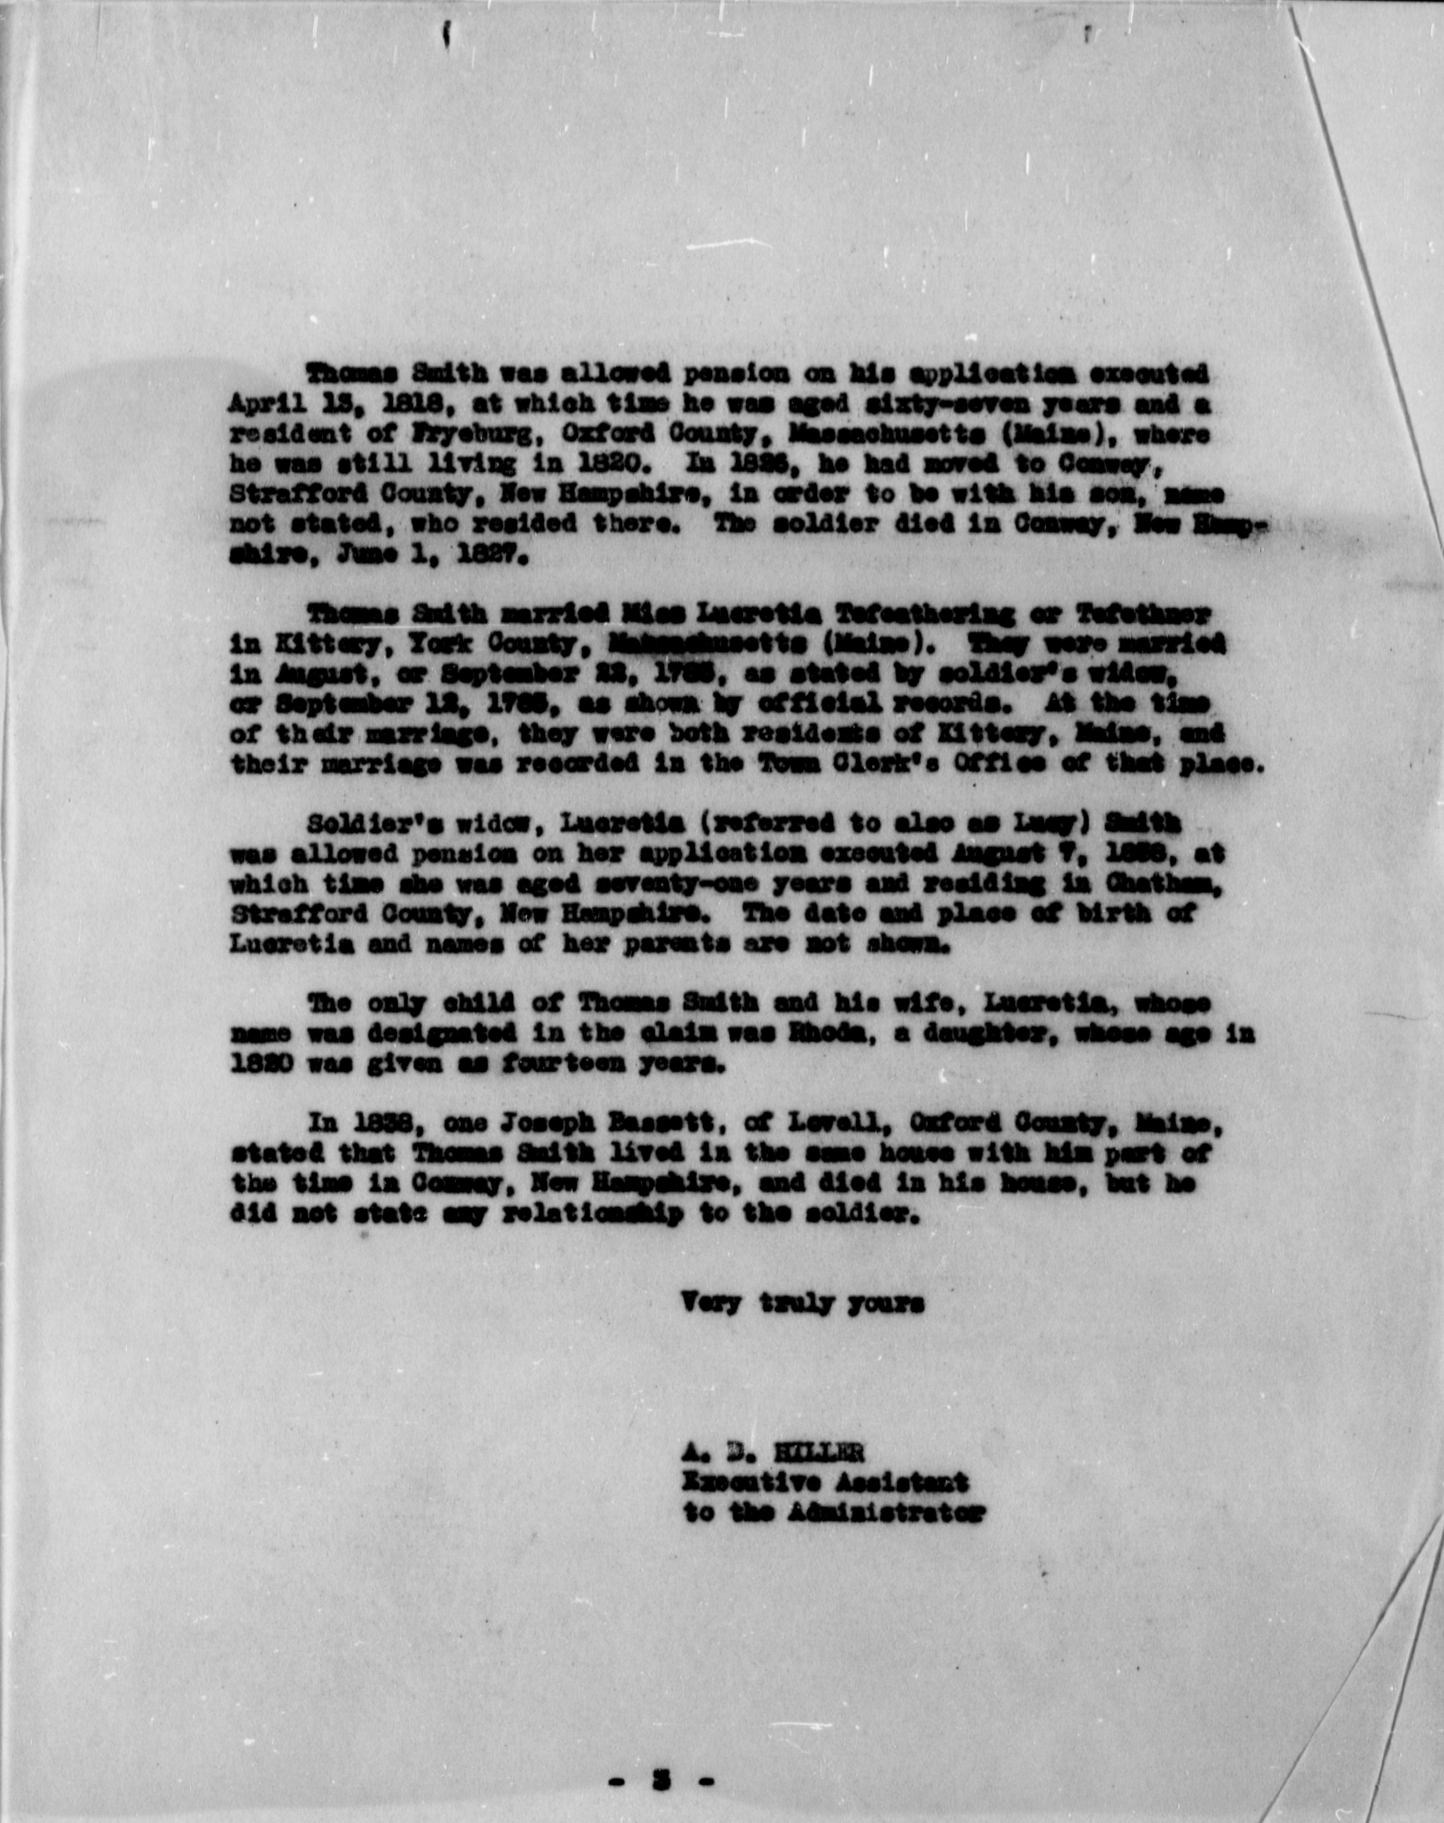Thomas Smith was allowed pension on his application executed April 13 [?], 1818, at which time he was aged sixty-seven years and a resident of Fryeburg, Oxford County, Massachusetts (Maine), where he was still living in 1820. In 1825, he had moved to Conway, Strafford County, New Hampshire, in order to be with his son, name not stated, who resided there. The soldier died in Conway, New Hampshire, June 1, 1827.

Thomas Smith married Miss Lucretia T[e]feathering or Tefethner in Kittery, York County, Massachusetts (Maine). They were married in August, or September 22, 17[illegible], as stated by soldier's widow, or September 12, 17[85?], as shown by official records. At the time their marriage, they were both residents of Kittery, Maine, and their marriage was recorded in the Town Clerk's Office of that place.

Soldier's widow, Lucretia (referred to also as Lucy) Smith was allowed pension on her application executed August 7, 18[38?], at which time she was aged seventy-one years and residing in Chatham, Strafford County, New Hampshire. The date and place of birth of Lucretia and names of her parents are not shown.

The only child of Thomas Smith and his wife, Lucretia, whose name was designated in the claim was Rhoda, a daughter, whose age in 1820 was given as fourteen years.

In 1838, one Joseph Bassett, of Lovell, Oxford County, Maine, stated that Thomas Smith loved in the same house with him part of the time in Conway, New Hampshire, and died in his house, but he did not state any relationship to the soldier.

Very truly yours
A. D. HILLER
Executive Assistant
to the Administrator 

- 3-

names: Thomas Smith, Thomas Smith, Lucy, Smith, Lucretia, Joseph Bassett, Lucretia, Lucretia, Thomas Smith, Thomas Smith, A D Hiller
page: 86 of 86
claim: survivor's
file: S 29,568, Isaac Abbot, Mass